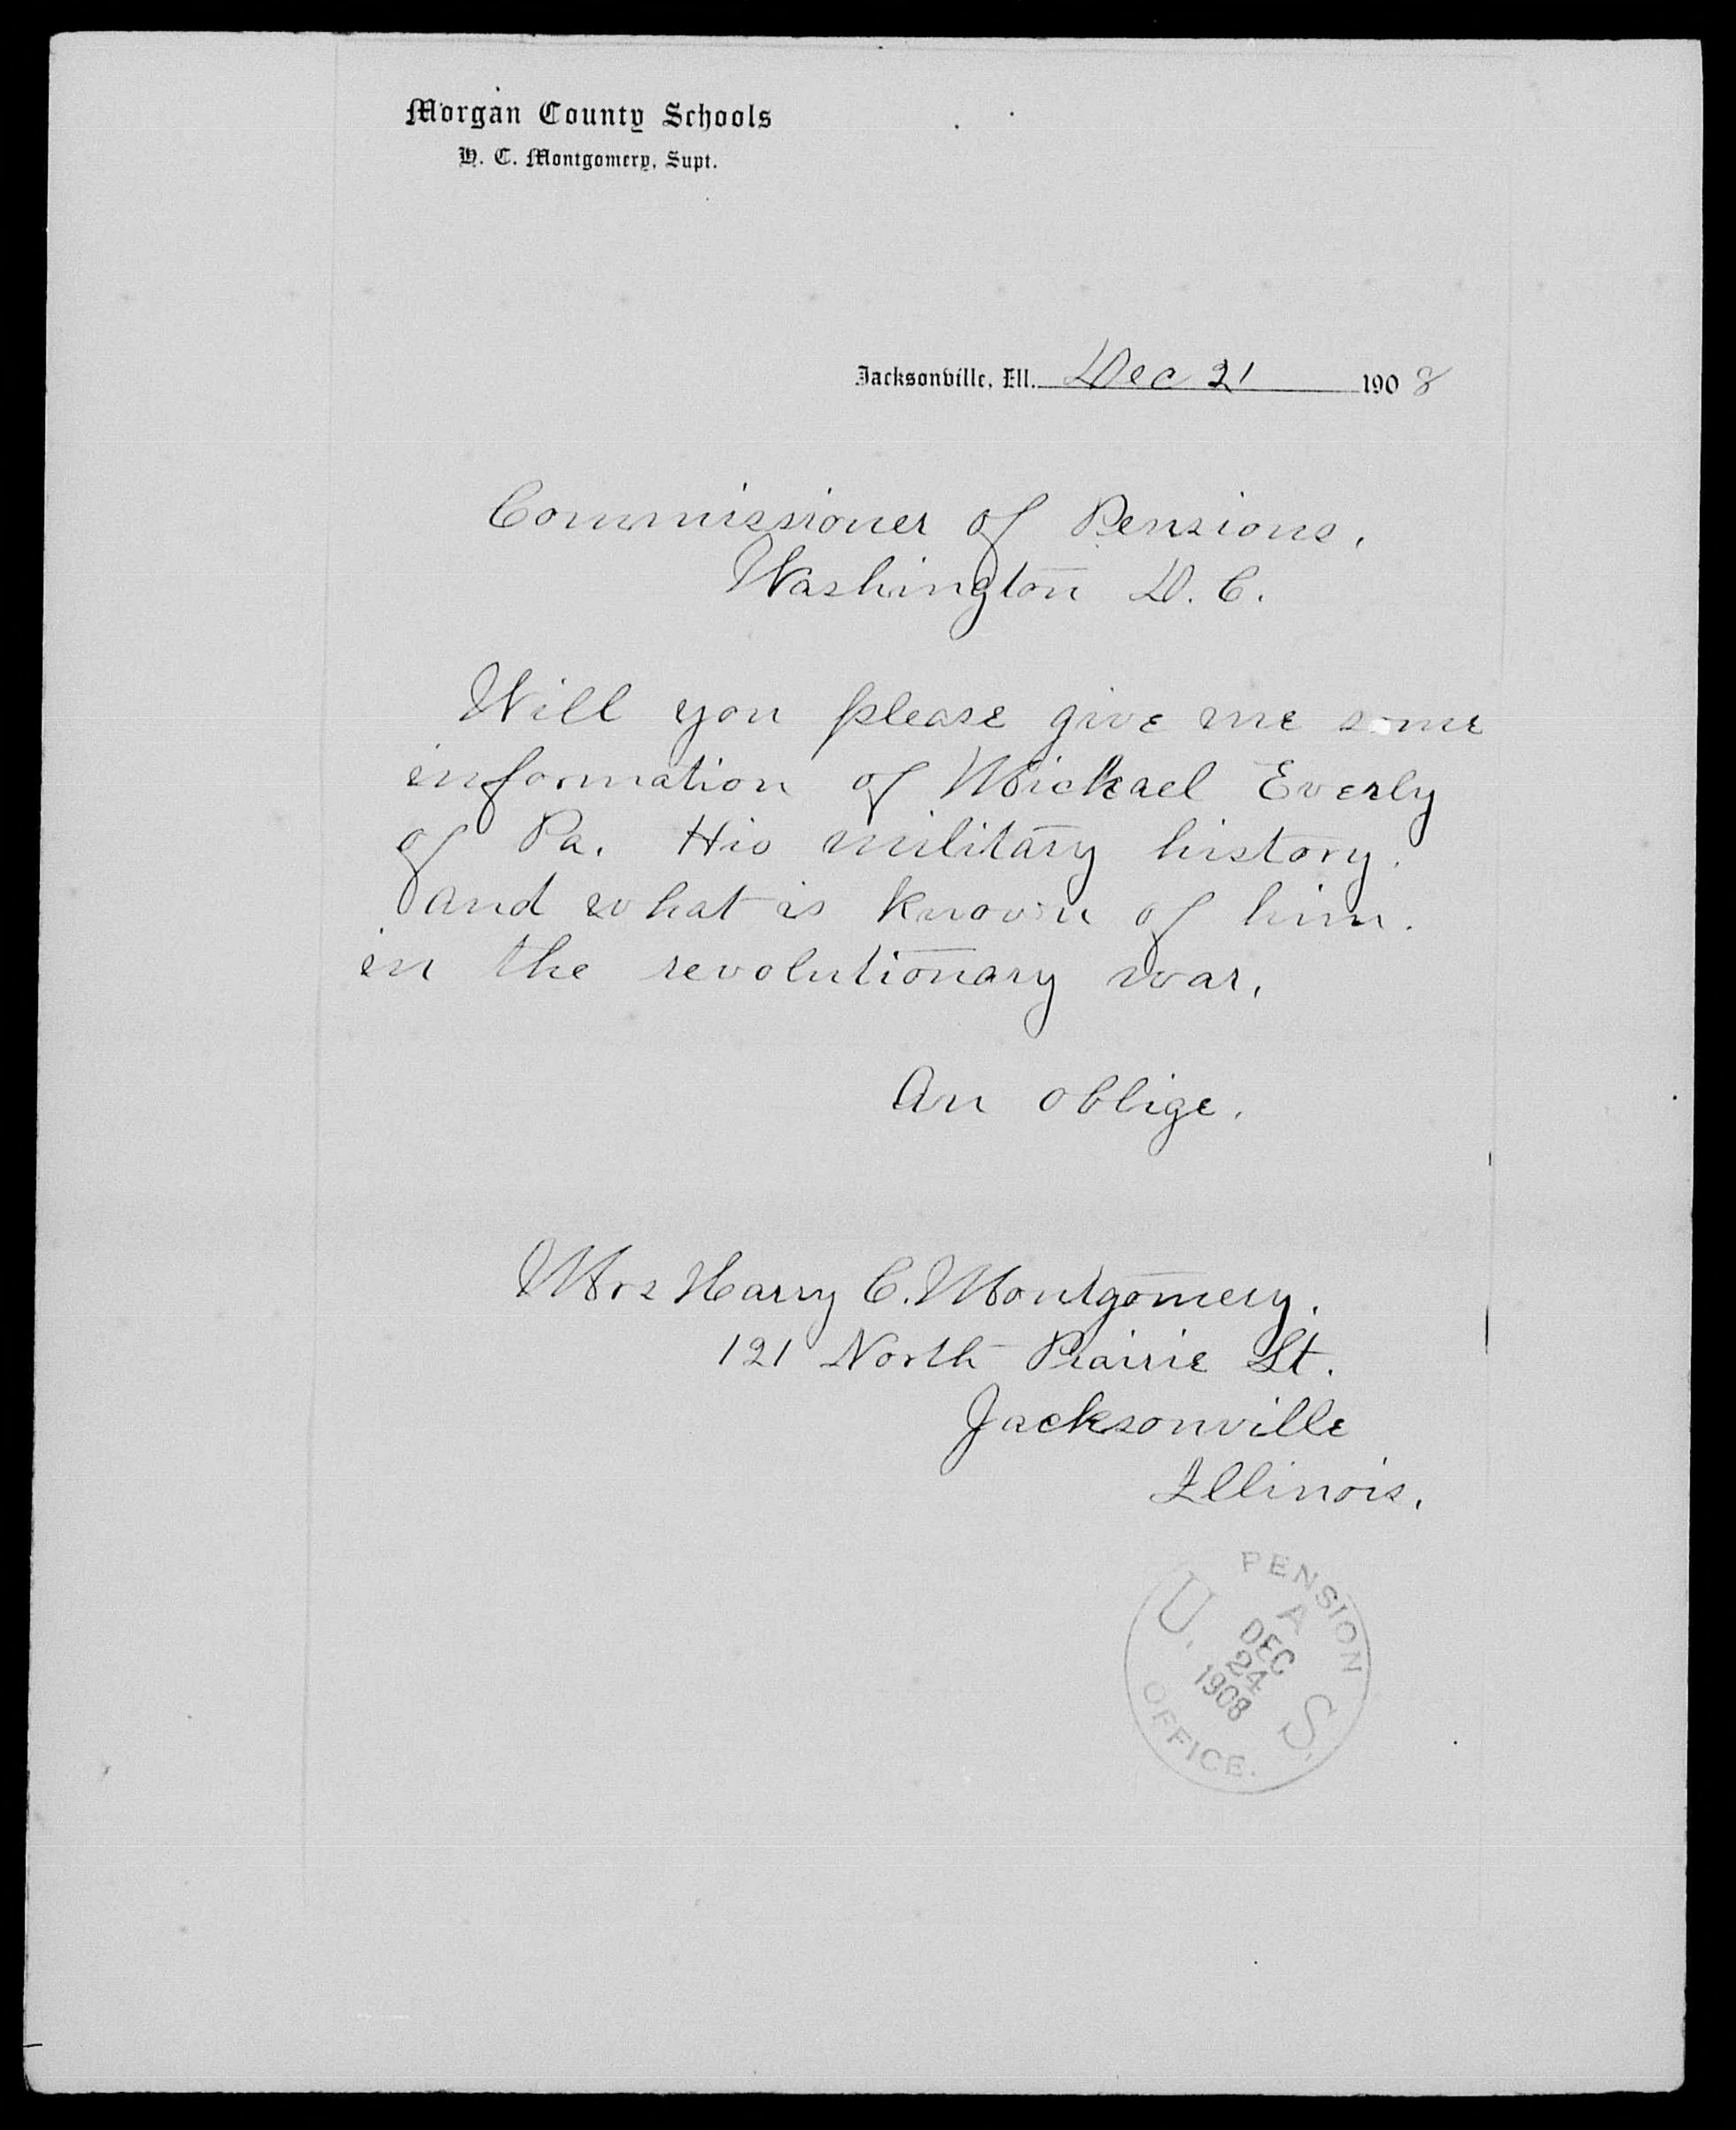Morgan County Schools
D. C. Montgomery, Supt.
Jacksonville, I, Dec 31
1908
Commissioner of Pensions
Washington D.C.
Will you please give me me
information of Michael Everly
of Pa. His military history.
and what is known of him
in the revolutionary war,
an oblige,
Mrs Harry C. Montgomery
121 North Plaine St
Jacksonville
Illinois
P
of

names: Harry C Montgomery, Michael Everly, H C Montgomery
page: 24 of 31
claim: widow's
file: W. 4537, Michael Everly, Penn